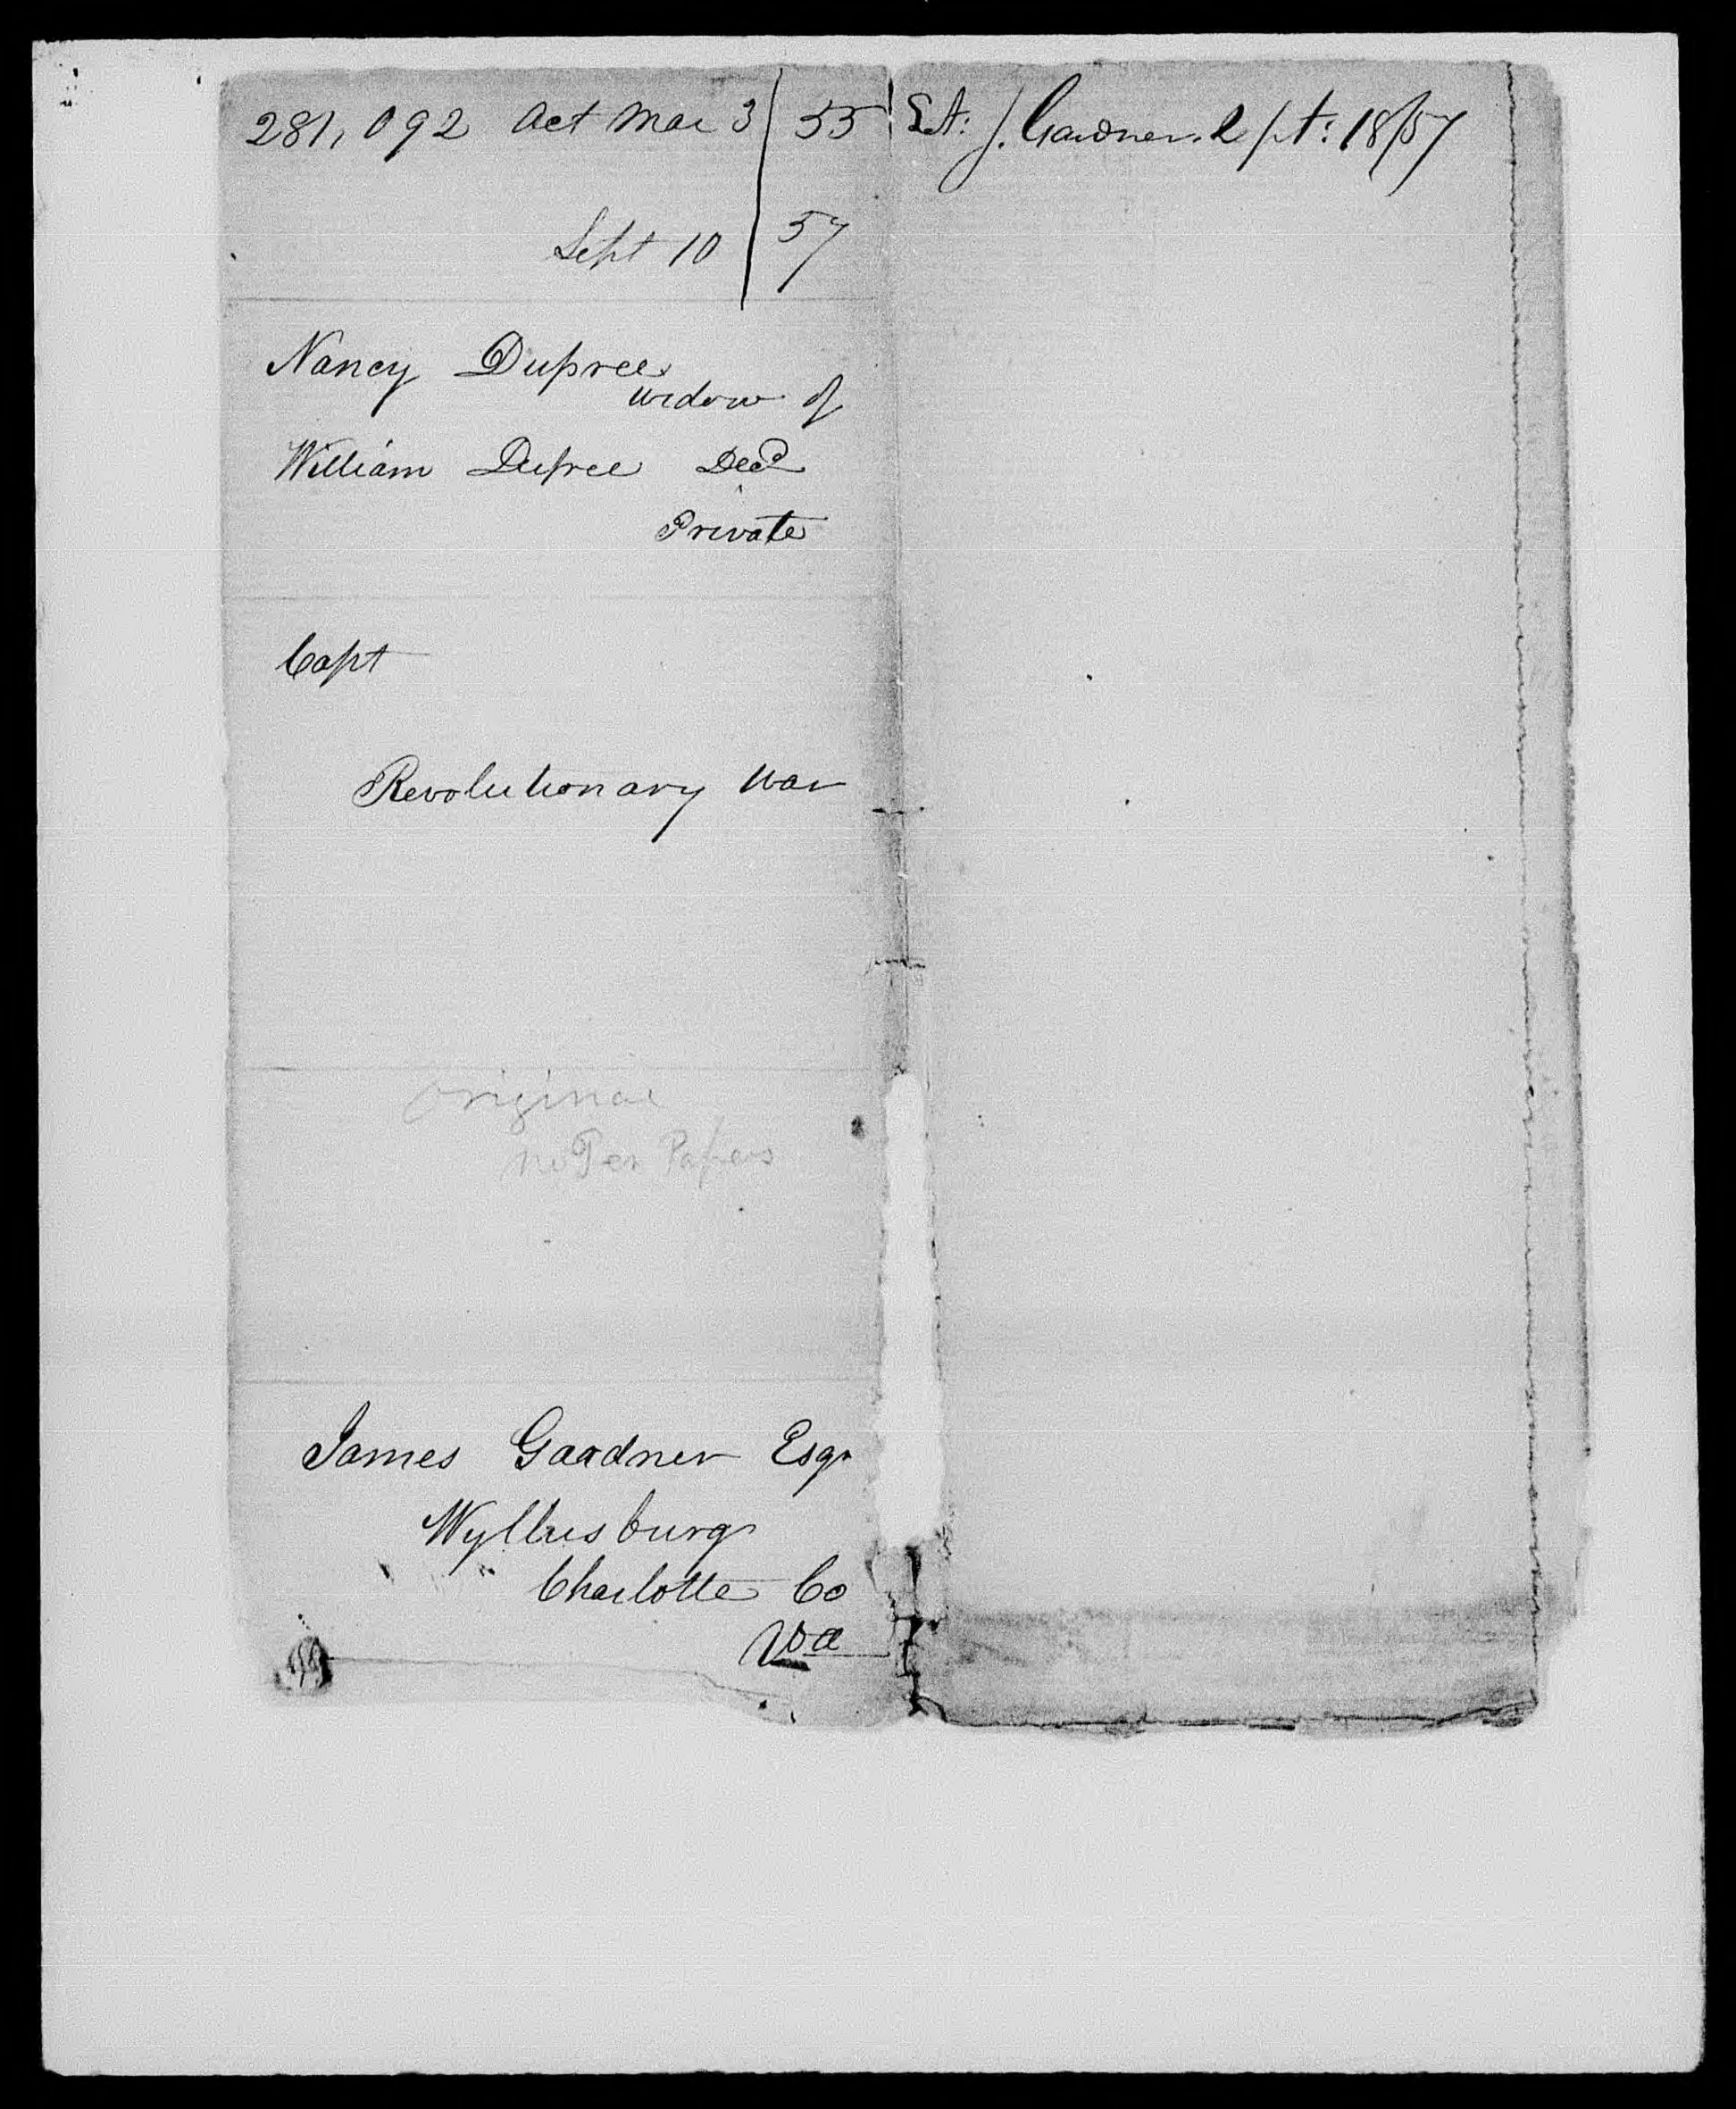281,092 Act  Mar 3/33 St: J. Gardner. Dept: 18/5/
Sept 10/39

Nancy Dupree
Widow of
William Dupree Dec ^ Private

Capt

Revolutionary War 

Original
nuPen Pases

James Gardner Esq
Wyllesburg
Charlotte Co
Va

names: Nancy Dupree, James Gardner, J Gardner, William Dupree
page: 2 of 8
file: B. L. Rej. 281092-1855, William Dupree, Va.